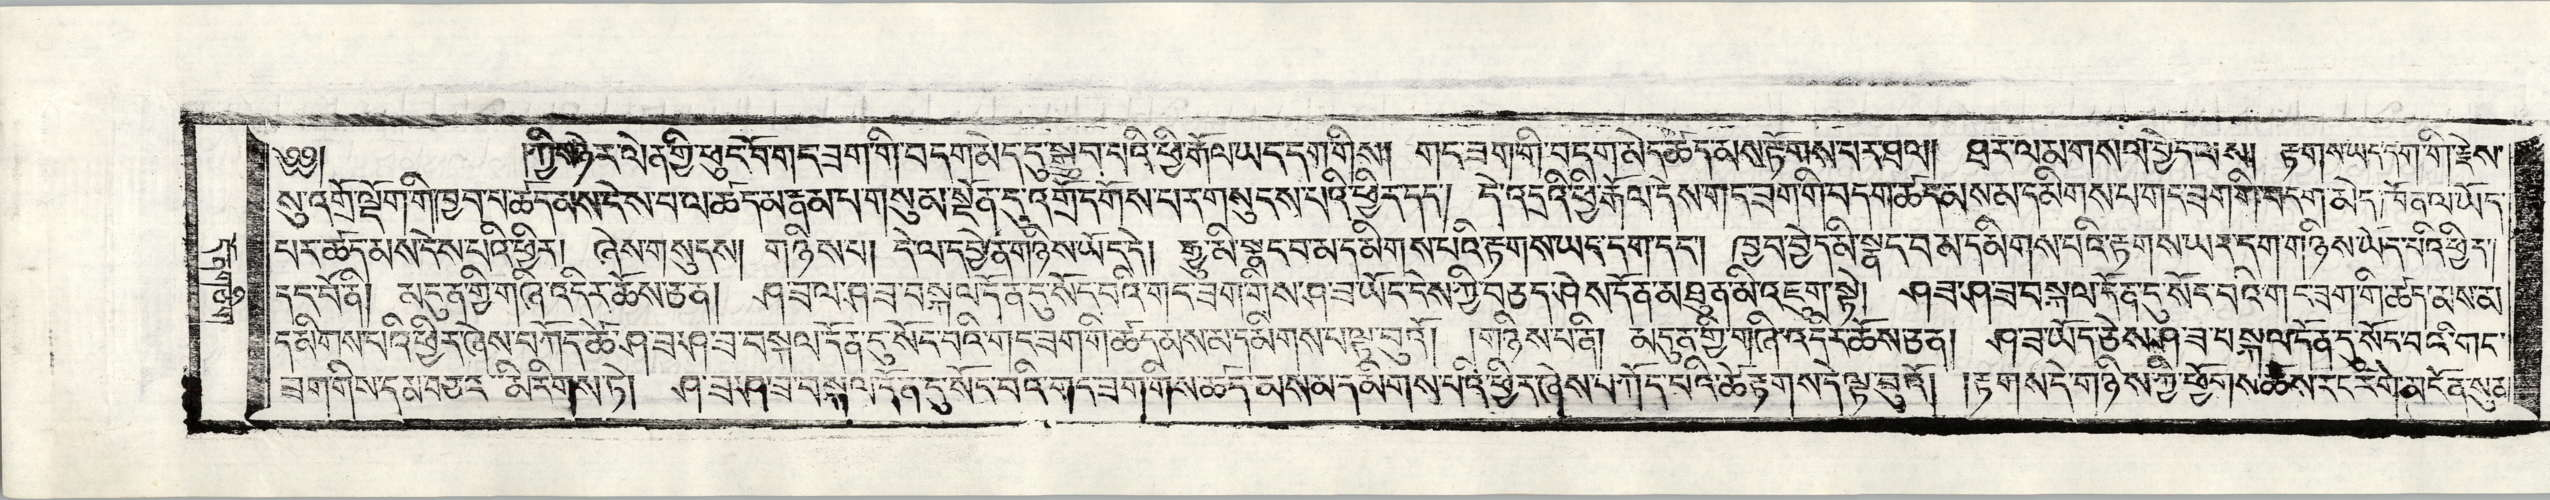༄༅། །ཀྱིས་ཉེར་ལེན་གྱི་ཕུང་པོ་གང་ཟག་གི་བདག་མེད་དུ་སྒྲུབ་པའི་ཕྱི་རྒོལ་ཡང་དག་གིས། གང་ཟག་གི་བདག་མེད་ཚད་མས་རྟོགས་པར་ཐལ། ཐར་ལམ་གསལ་བྱེད་ལས། རྟགས་ཡང་དག་གི་རྗེས་
སུ་འགྲོ་ལྡོག་གི་ཁྱབ་པ་ཚད་མས་ངེས་པ་ལ་ཚད་མ་རྣམ་པ་གསུམ་སྔོན་དུ་འགྲོ་དགོས་པར་གསུངས་པའི་ཕྱིར་དང་། དེ་འདྲའི་ཕྱི་རྒོལ་དེས་གང་ཟག་གི་བདག་ཚད་མས་མ་དམིགས་པ་གང་ཟག་གི་བདག་མེད་ཁོ་ན་ལ་ཡོད་
པར་ཚད་མས་མགེས་པའི་ཕྱིར། ཞེས་གསུངས། གཉིས་པ། དེ་ལ་དབྱེ་ན་གཉིས་ཡོད་དེ། རྒྱུ་མི་སྣང་བ་མ་དམིགས་པའི་རྟགས་ཡང་དག་དང་། ཁྱབ་བྱེད་མི་སྣང་བ་མ་དམིགས་པའི་རྟགས་ཡང་དག་གཉིས་ཡོད་པའི་ཕྱིར།
དང་བོ་ནི། མདུན་གྱི་གཞི་འདིར་ཆོས་ཅན། ཤ་ཟ་ལ་ཤ་ཟ་བསྐལ་དོན་དུ་སོང་བའི་གང་ཟག་གིས་ཤ་ཟ་ཡོད་ངེས་ཀྱི་བཅད་ཤེས་དོན་མཐུན་མི་འཇུག་སྟེ། ཤ་ཟ་ཤ་ཟ་བསྐལ་དོན་དུ་སོང་བའི་གང་ཟག་གི་ཚད་མས་མ་
དམིགས་པའི་ཕྱིར་ཞེས་བཀོད་ཚེ་ཤ་ཟ་ཤ་ཟ་བསྐལ་དོན་དུ་སོང་བའི་གང་ཟག་གི་ཚད་མས་མ་དམིགས་པ་ལྟ་བུའོ། །གཉིས་པ་ནི། མདུན་གྱི་གཞི་འདིར་ཆོས་ཅན། ཤ་ཟ་ཡོད་ཅེས་ཤ་ཟ་བསྐལ་དོན་དུ་སོང་བའི་གང་
ཟག་གིས་དམ་བཅའ་མི་རིགས་ཏེ། ཤ་ཟ་ཤ་ཟ་བསྐལ་དོན་དུ་སོང་བའི་གང་ཟག་གིས་ཚད་མས་མ་དམིགས་པའི་ཕྱིར་ཞེས་བཀོད་པའི་ཚེ་རྟགས་དེ་ལྟ་བུའོ། །རྟགས་དེ་གཉིས་ཀྱི་ཕྱོགས་ཆོས་རང་རིག་མངོན་སུམ་